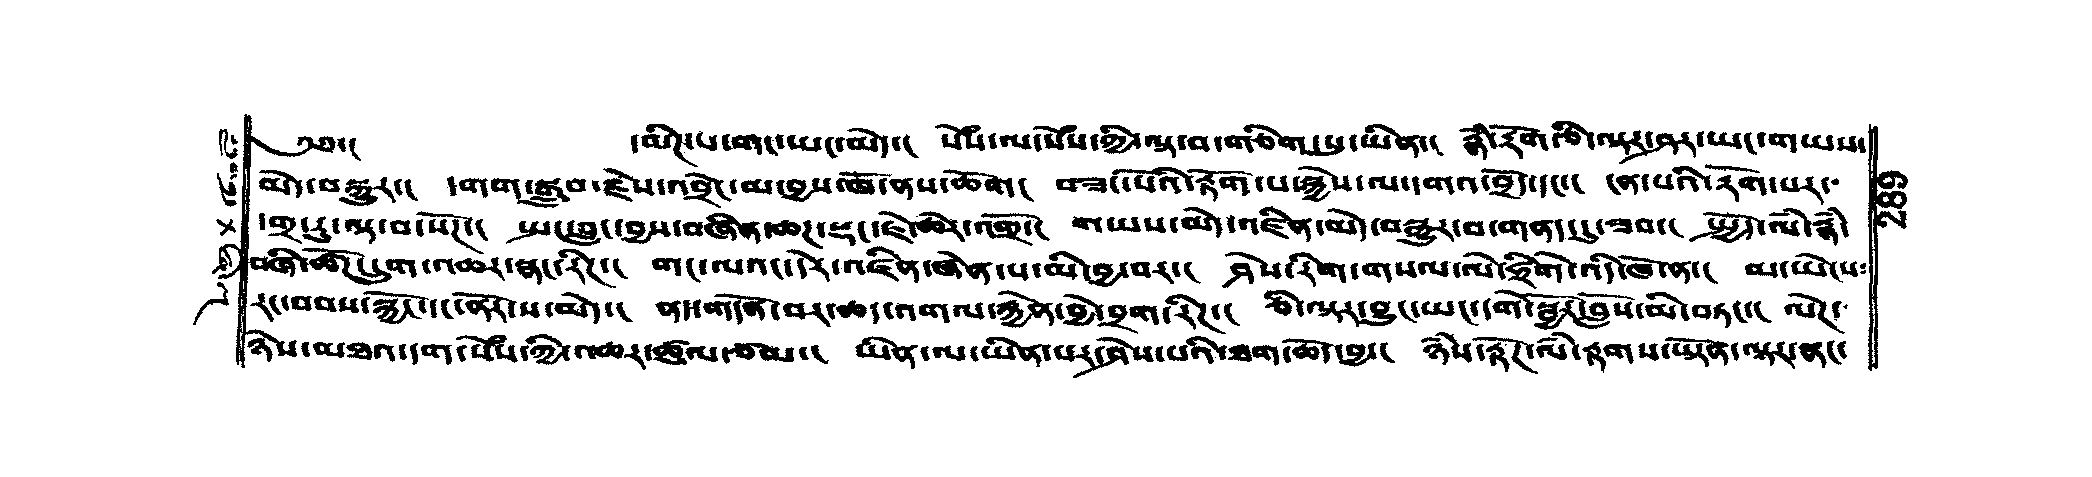དམིགས་པ་གང་ཡང་མེད། །སེམས་ལ་སེམས་ཀྱི་ལྟ་བ་གཅིག་པུ་ཡིན། །རྣམ་རྟོག་ཅི་ལྟར་ཤར་ཡང་གཡས་
མེད་བསྐྱུུར། །དགག་སྒྲུབ་རྗེས་འབྲང་མ་བྱས་ཁོ་ནས་ཆོག།བཟང་པོའི་རྟོག་པ་སྐྱེས་ལ་དགའ་བྱེད་དང་། །ངན་པའི་རྟོག་པར་
དགྲ་རུ་ལྟ་བ་སོགས། །སྤང་བླང་བྱས་བཞིན་ཆགས་སྡང་ཇེ་ཆེར་འགྲོ། །གཡས་མེད་འཛིན་མེད་བསྒྱུར་བ་གནད་དུ་ཟབ། །སྤྱོད་ལམ་རྣམ་
བཞི་ཚོགས་དྲུག་འཆར་སྣང་རིགས། །གང་ལའང་དེར་འཛིན་ཞེན་པ་མི་བྱ་བར། ཤེས་རིག་གསལ་ལེ་ཧྲིག་གེ་འདི་ཁོ་ན། །མ་ཡེངས་
རང་བབས་སྐྱོང་དང་ནོར་ས་མེད། །ནད་གདོན་བར་ཆད་འགལ་རྐྱེན་བྱེ་བྲག་རིགས། །ཅི་ལྟར་བྱུང་ཡང་དགེ་སྦྱོར་བློས་མི་བཏང་། །ལེགས་
ཉེས་མཐའ་དག་སེམས་ཀྱི་འཆར་ཚུལ་ཙམ། །ཡིན་ལ་ཡིན་པར་ཤེས་པའི་ཐག་ཆོད་བྱ། །ཉམས་རྟོགས་ལམ་རྟགས་ཡོན་ཏན་ལྟར་སྣང་